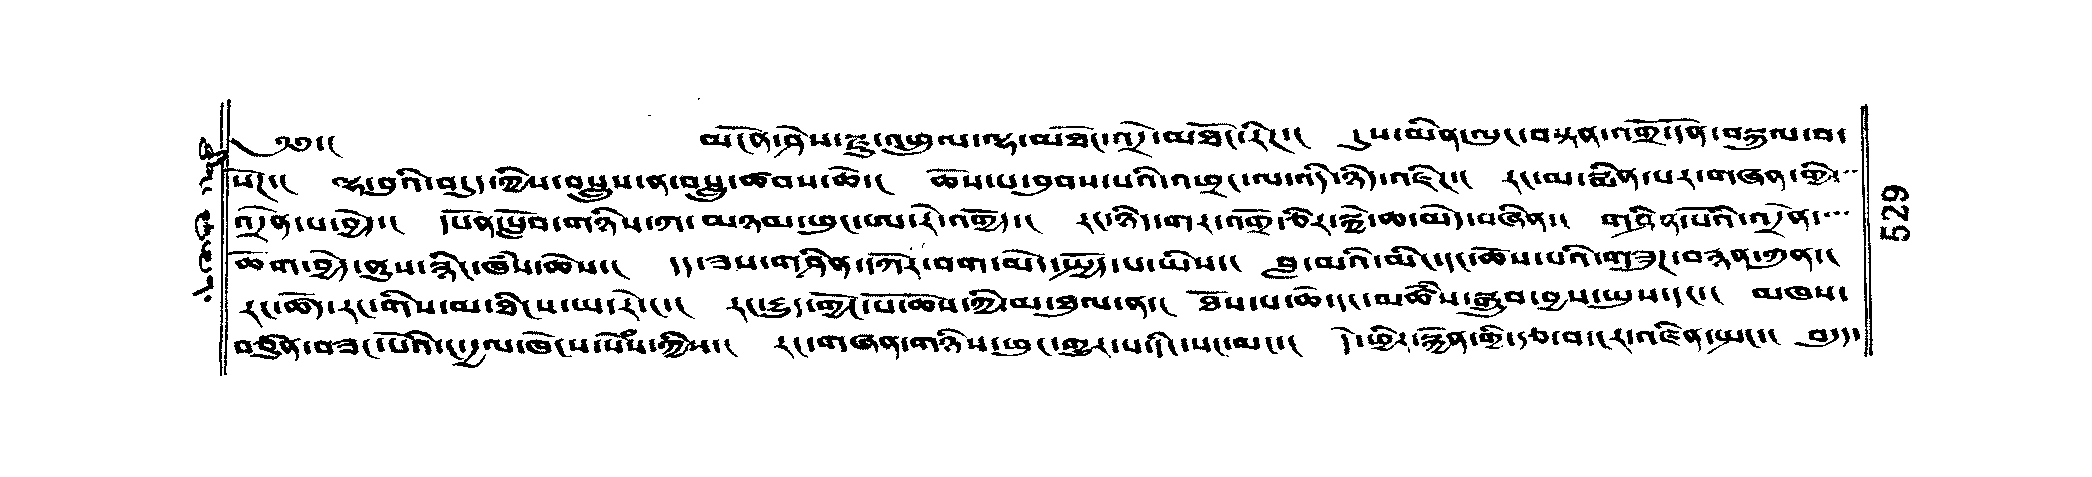།མངོན་ཤེས་རྗུ་འཕྲུལ་ལྷ་མཐོང་འདྲེ་མཐོང་རིགས། །དུས་མིན་ལུང་བསྟན་འགྲོ་དོན་བསྐུལ་བ་
སོགས། །ལྷ་བུའི་བདུད་ཀྱིས་བསླུས་ན་བསླུ་ཚབས་ཆེ། ཆོས་པ་བུབ་པའི་འཕྲང་ལ་འདི་ཉིད་འཇིགས། །རང་མ་སྨིན་པར་གཞན་གྱི་
འདྲེན་པ་བྱེད། །དཔོན་སློབ་གཉིས་ཀ་མཉམ་ཕུང་ཨ་རེ་འགྱོད། །རང་ཉིད་གར་འགྲོ་ཅིར་སྐྱེ་ཆ་མེད་བཞིན། །གཤིན་པོའི་འདྲེན་
ཆོག་བྱེད་ནུས་སྙྀང་ཁམས་ཆེས། །དད་ཟས་གཤིན་དཀོར་བག་མེད་སྤྱོད་པ་ཡིས། །བླ་མའི་མིང་དང་ཆོས་པའི་གཟུགས་བརྙན་ཀུན། །
རང་ཚོད་རང་གིས་མ་ཐིགས་ཡ་རེ་ང་། །རང་རྒྱུད་གྱོང་པོ་ཆོས་ཀྱི་མ་ཐུལ་ན། །ཐོས་པ་ཆེ་དང་མཚམས་སྒྲུབ་བྱས་ཡུས་དང་། །མཁས་
བཙུན་བཟང་པོའི་ང་རྒྱལ་ཁེངས་སེམས་ཀྱིས། །རང་གཞན་གཉིས་ཕུང་གྱུར་པ་དིང་སང་མང་། །དེ་ཕྱིར་སྐྱོན་གྱི་རྩ་བ་ངར་འཛིན་སྤང་། །བདུད་